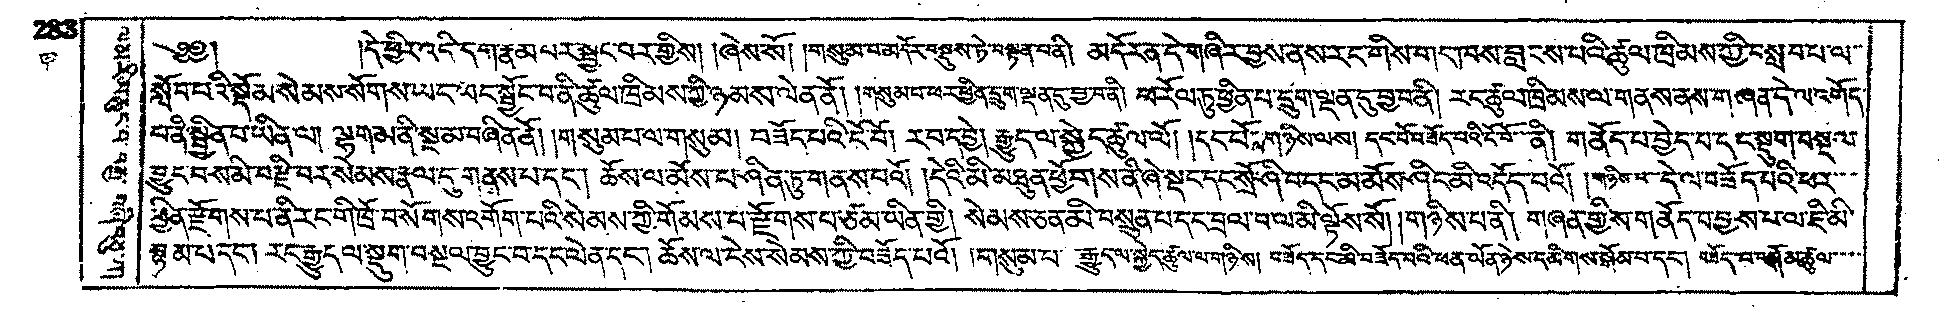༄༅། །དེ་ཕྱིར་འདི་དག་རྣམ་པར་སྦྱང་བར་གྱིས། །ཞེས་སོ། །གསུམ་པ་མདོར་བསྡུས་ཏེ་བསྟན་པ་ནི།  མདོར་ན་དེ་གཞིར་བྱས་ནས་རང་གིས་གང་ཁས་བླངས་པའི་ཚུལ་ཁྲིམས་ཀྱི་བསླབ་པ་ལ་
སློབ་པའི་སྡོམ་སེམས་སོགས་ཡང་ཡང་སྦྱོང་བ་ནི་ཚུལ་ཁྲིམས་ཀྱི་ཉམས་ལེན་ནོ། །གསུམ་པ་ཕར་ཕྱིན་དྲུག་ལྡན་དུ་བྱ་བ་ནི།  ཕ་རོལ་ཏུ་ཕྱིན་པ་དྲུག་ལྡན་དུ་བྱ་བ་ནི། རང་ཚུལ་ཁྲིམས་ལ་གནས་ནས་གཞན་དེ་ལ་འགོད་
པ་ནི་སྦྱིན་པ་ཡིན་ལ། ལྷག་མ་ནི་སྔ་མ་བཞིན་ནོ། །གསུམ་པ་ལ་གསུམ། བཟོད་པའི་ངོ་བོ། རབ་དབྱེ། རྒྱུད་ལ་སྐྱེད་ཚུལ་ལོ། །དང་པོ་ལ་གཉིས་ལས། དང་པོ་བཟོད་པའི་ངོ་བོཨེནི། གནོ་པ་བྱེད་པ་དང་སྡུག་བསྔལ་
བྱུང་བས་མི་བརྫི་བར་སེམས་རྣལ་དུ་གནས་པ་དང་། ཆོས་ལ་མོས་པ་ཤིན་ཏུ་གནས་པའོ། །དེའི་མི་མཐུན་ཕྱོགས་ནི་ཞེ་སྡང་དང་སྲོ་ཤི་བ་དང་མ་མོས་ཤིང་མི་འདོད་པའོ། །གཉིས་པདེ་ལ་བཟོད་པའི་ཕར་
ཕྱིན་རྫོགས་པ་ནི་རང་གི་ཁྲོ་བ་སོགས་འགོག་པའི་སེམས་ཀྱི་གོམས་པ་རྫོགས་པ་ཙམ་ཡིན་གྱི། སེམས་ཅན་མི་བསྲུན་པ་དང་བྲལ་བ་ལ་མི་ལྟོས་སོ། །གཉིས་པ་ནི། གཞན་གྱིས་གནོད་པ་བྱས་པ་ལ་ཇི་མི་
སྙམ་པ་དང་། རང་རྒྱུད་ལ་སྡུག་བསྔལ་བྱུང་བ་དང་ལེན་དང་། ཆོས་ལ་ངེས་སེམས་ཀྱི་བཟོད་པའོ། །གསུམ་པརྒྱུད་ལ་སྐྱེད་ཚུལ་ལ་གཉིས། བཟོད་དང་མི་བཟོད་བའི་ཕན་ཡོན་ཉེས་དམིགས་སྒོམ་པ་དང་། བཟོད་པ་བསྒོམ་ཚུལ་